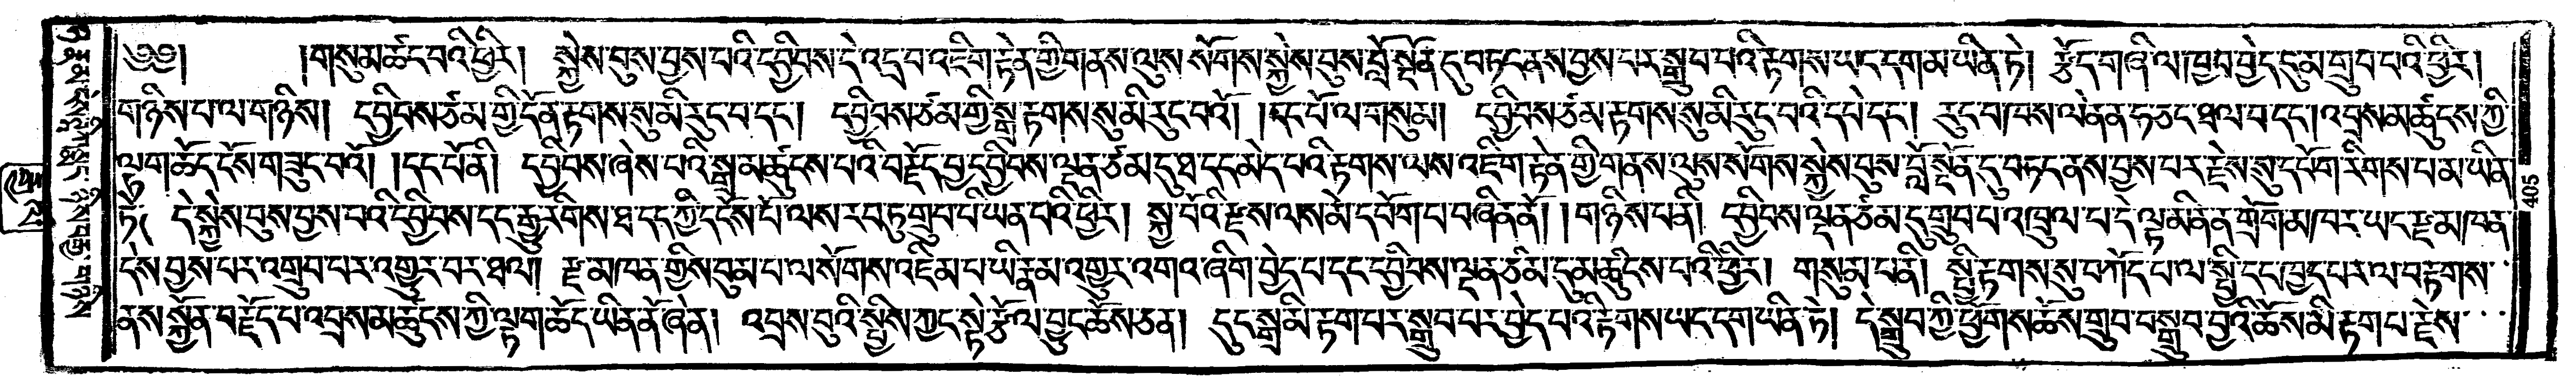༄༅། །གསུམ་ཚང་བའི་ཕྱིར། སྐྱེས་བུས་བྱས་པའི་དབྱིབས་དེ་འདྲ་བ་འཇིག་རྟེན་གྱི་གནས་ལུས་སོགས་སྐྱེས་བུས་བློ་སྔོན་དུ་བཏང་ནས་བྱས་པར་སྒྲུབ་པའི་རྟགས་ཡང་དག་མ་ཡིན་ཏེ། རྩོད་གཞི་ལ་ཁྱབ་བྱེད་དུ་མ་གྲུབ་པའི་ཕྱིར།
གཉིས་པ་ལ་གཉིས། དབྱིབས་ཙམ་གྱི་དོན་རྟགས་སུ་མི་རུང་བ་དང་། དབྱིབས་ཙམ་གྱི་སྒྲ་རྟགས་སུ་མི་རུང་བའོ། །དང་པོ་ལ་གསུམ། དབྱིབས་ཙམ་རྟགས་སུ་མི་རུང་བའི་དཔེ་དང་། རུང་བ་ཁས་ལེན་ན་ཧ་ཅང་ཐལ་བ་དང་། འབྲས་མཚུངས་ཀྱི་
ལྟག་ཆོད་ངོས་གཟུང་བའོ། །དང་པོ་ནི། དབྱིབས་ཞེས་པའི་སྒྲ་མཚུངས་པའི་བརྗོད་བྱ་དབྱིབས་ལྡན་ཙམ་དུ་ཐ་དད་མེད་པའི་རྟགས་ལས་འཇིག་རྟེན་གྱི་གནས་ལུས་སོགས་སྐྱེས་བུས་བློ་སྔོན་དུ་བཏང་ནས་བྱས་པར་རྗེས་སུ་དཔོག་རིགས་པ་མ་ཡིན་
ཏེ༑ དེ་སྐྱེས་བུས་བྱས་པའི་དབྱིབས་དང་རྒྱུ་རིགས་ཐ་དད་ཀྱི་དངོས་པོ་ལས་རབ་ཏུ་གྲུབ་པ་ཡིན་པའི་ཕྱིར། སྐྱ་བོའི་རྫས་ལས་མེ་དཔོག་པ་བཞིན་ནོ། །གཉིས་པ་ནི། དབྱིབས་ལྡན་ཙམ་དུ་གྲུབ་པ་འཁྲུལ་པ་དེ་ལྟ་མིན་ན་གྲོག་མཁར་ཡང་རྫ་མཁན་
དེས་བྱས་པར་འགྲུབ་པར་འགྱུར་བར་ཐལ། རྫ་མཁན་གྱིས་བུམ་པ་ལ་སོགས་པ་འཇིམ་པ་ཡི་རྣམ་འགྱུར་འགའ་ཞིག་བྱེད་པ་དང་དབྱིབས་ལྡན་ཙམ་དུ་མཚུངས་པའི་ཕྱིར། གསུམ་པ་ནི། སྤྱི་རྟགས་སུ་བཀོད་པ་ལ་སྤྱི་དང་ཁྱད་པར་ལ་བརྟགས་
ནས་སྐྱོན་བརྗོད་པ་འབྲས་མཚུངས་ཀྱི་ལྟག་ཆོད་ཡིན་ནོ་ཞེ་ན། འབྲས་བུའི་སྤྱིས་ཀྱང་སྟེ་རྩོལ་བྱུང་ཆོས་ཅན། དུང་སྒྲ་མི་རྟག་པར་སྒྲུབ་པར་བྱེད་པའི་རྟགས་ཡང་དག་ཡིན་ཏེ། དེ་སྒྲུབ་ཀྱི་ཕྱོགས་ཆོས་གྲུབ་བསྒྲུབ་བྱའི་ཆོས་མི་རྟག་པ་རྗེས་